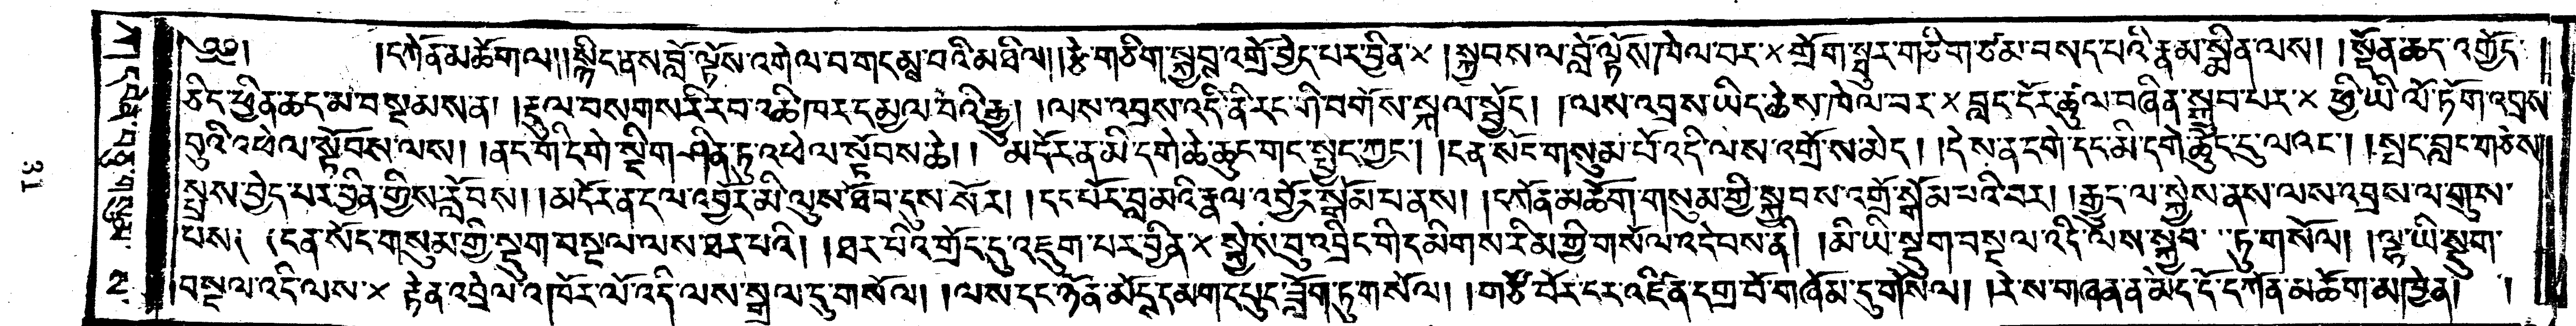༄༅། །དཀོན་མཆོག་ལ། །སྙིང་ནས་བློ་ལྟོས་འགེལ་བ་གདམས་བའི་མཐིལ། །རྩེ་གཅིག་སྐྱབས་འགྲོ་བྱེད་པར་བྱིན་྾་།སྐྱབས་ལ་བློ་ལྟོས་ཁེལ་བར་྾་གྲོག་སྦུར་གཅིག་ཙམ་བསད་པའི་རྣམ་སྨིན་ལས། །སྔོན་ཆད་འགྱོད་
ཅིང་ཕྱིན་ཆད་མ་བསྡམས་ན། །རྡུལ་བསགས་རི་རབ་འཆི་ཁར་དམྱལ་བའི་རྒྱུ། །ལས་འབྲས་འདི་ནི་རང་གི་བགོས་སྐལ་སྦྱོང་། །ལས་འབྲས་ཡིད་ཆེས་ཁེལ་བར་྾་བླང་དོར་ཚུལ་བཞིན་སྒྲུབ་པར་྾་ཕྱི་ཡི་ལོ་ཏོག་འབྲས་
བུའི་འཕེལ་སྟོབས་ལས། །ནང་གི་དགེ་སྡིག་ཤིན་ཏུ་འཕེལ་སྟོབས་ཆེ། །མདོར་ན་མི་དགེ་ཆེ་ཆུང་གང་སྤྱང་ཀྱང་། །ངན་སོང་གསུམ་པོ་འདི་ལས་འགྲོ་ས་མེད། །དེས་ན་དགེ་དང་མི་དགེ་ཆུང་དུ་ལའང་། །སྤང་བླང་གཅེས་
སྤྲས་བྱེད་པར་བྱིན་གྱིས་རློབས། །མདོར་ན་དལ་འབྱོར་མི་ལུས་ཐོབ་དུས་སོར། །དང་པོར་བླ་མའི་རྣལ་འབྱོར་སྒོམ་པ་ནས། །དཀོན་མཆོག་གསུམ་གྱི་སྐྱབས་འགྲོ་སྒོམ་པའི་བར། །རྒྱུད་ལ་སྐྱེས་ནས་ལས་འབྲས་ལ་གུས་
པས༑ ༑ངན་སོང་གསུམ་གྱི་སྡུག་བསྔལ་ལས་ཐར་པའི། །ཐར་པའི་གྲོང་དུ་འཇུག་པར་བྱིན་྾་སྐྱེས་བུ་འབྲིང་གི་དམིགས་རིམ་གྱི་གསོལ་འདེབས་ནི། །མི་ཡི་སྡུག་བསྔལ་འདི་ལས་སྐྱབ་ཏུ་གསོལ། །ལྷ་ཡི་སྡུག་
བསྔལ་འདི་ལས་྾་རྟེན་འབྲེལ་འཁོར་ལོ་འདི་ལས་སྒྲལ་དུ་གསོལ། །ལས་དང་ཉོན་མོངས་དམག་དཔུང་ཟློག་ཏུ་གསོལ། །གཙོ་བོར་དར་འཛིན་དགྲ་བོ་གཞོམ་དུ་གསོལ། །རེ་ས་གཞན་ན་མེད་དོ་དཀོན་མཆོག་མཁྱེན། །